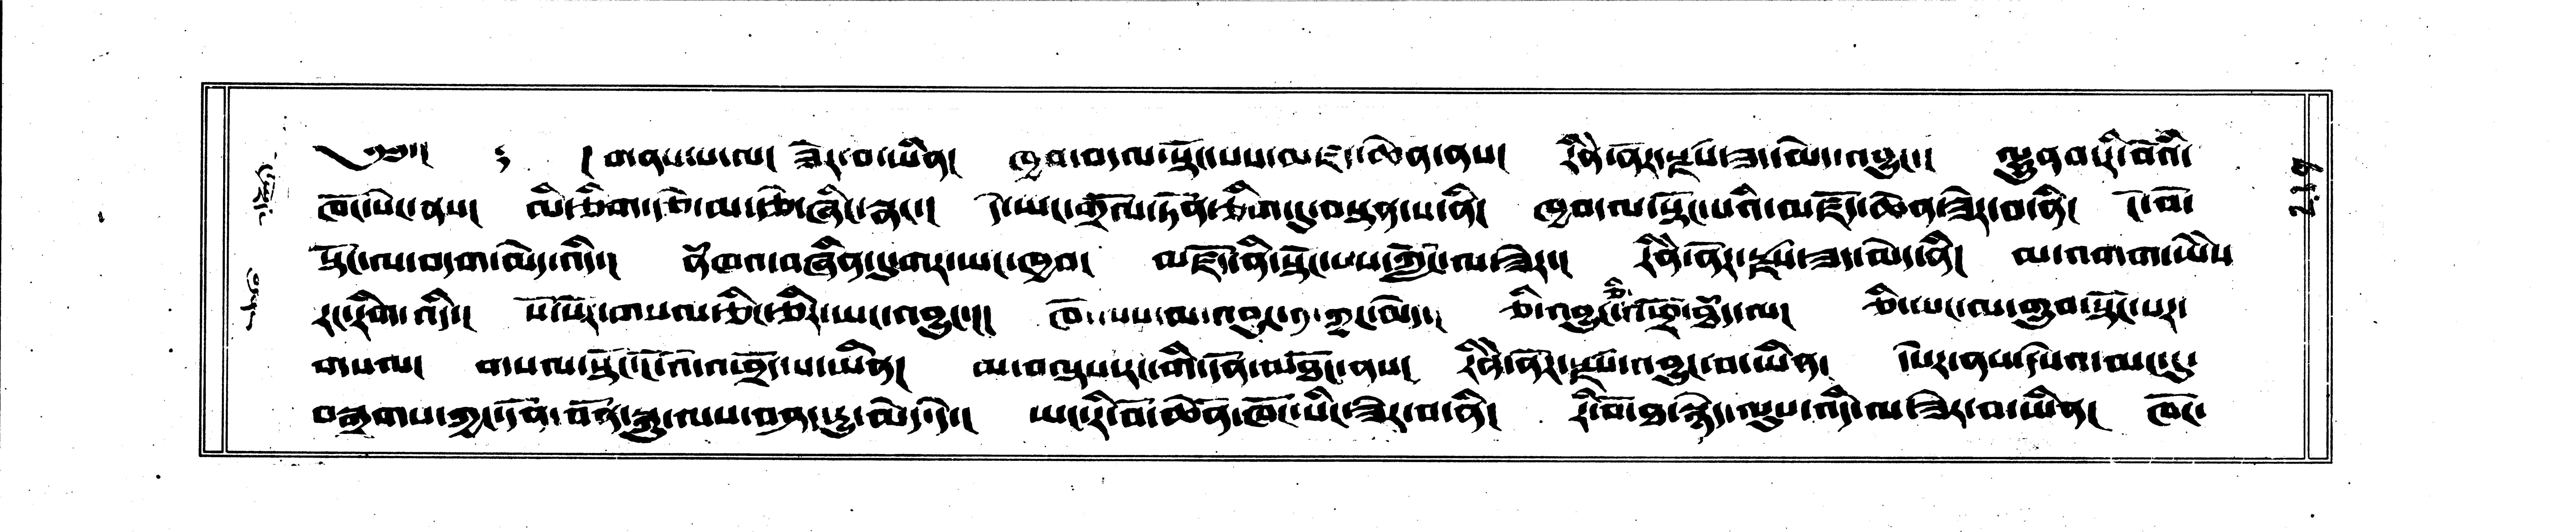གནས་པ་ལ་ཟེར་བ་ཡིན། ཁྱབ་བདལ་སྟོང་པའི་མཛོད་ཆེན་ན། རང་བཞིན་ནོར་རྫས་ཟད་མེད་འབྱུང་། ལྷུན་གྲུབ་རི་བོའི་
ཁོང་སེང་ན། མི་གཅིག་རྩེད་མོ་རྩེ་ཞིང་སྣང་། དེ་ཡང་བཀྲོལ་དོན་གཅིག་དུ་བསྟན་པ་ནི། ཁྱབ་བདལ་སྟོང་པའི་མཛོད་ཆེན་ཟེར་བ་ནི། ངོའོ་
སྟོང་ལ་རྟོག་མེད་འདི། ནམ་མཁའ་བཞིན་དུ་གར་ཡང་ཁྱབ། མཛོད་ནི་སྟོང་པའི་ཀློང་ལ་ཟེར་། རིན་ཆེན་ནོར་རྫས་ཟད་མེད་ནི། མ་འགགས་
རང་རིག་ཡེ་ཤེས་ནི། སོ་སོར་གསལ་ཞིང་ཅིར་ཡང་འབྱུང་། ཁོ་ལས་མ་བྱུང་གཅིག་ཀྱང་མེད། ཅི་བྱུང་ཅི་འཕྲོས་ཐམས་ཅད་ལ། ཅིར་ཡང་མ་གྲུབ་སྟོང་པར་
གསལ། གསལ་སྟོང་ངོའོ་འཕྲོད་པའི། མ་བལྟས་རང་རིག་དོན་མཐོང་ན། རིན་ཆེན་ནོར་རྫས་འབྱུང་བ་ཡིན། དེ་ནས་དཔེ་མང་དུ་
སྒྲངས་ཀྱང་། དོན་བོན་སྐུ་ལས་བཤད་རྒྱུ་མེད་དོ། ཡང་རི་བོ་ཆེན་པོའི་ཁོང་